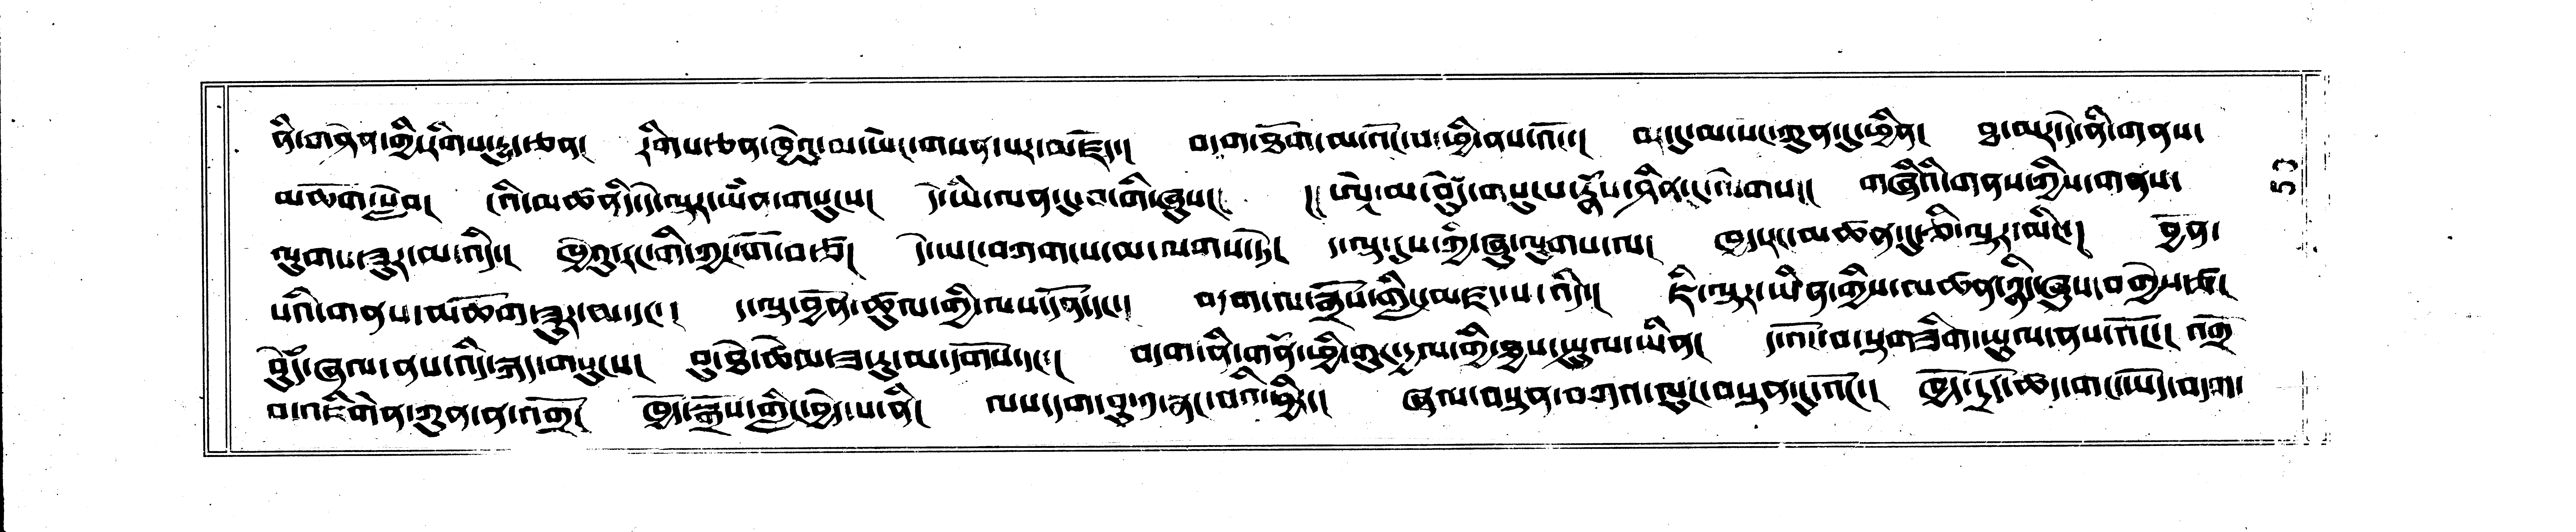ནི་གཤེན་གྱི་རིགས་རྒྱུད་ཅན། རིགས་ཅན་ཁྱེའུ་མ་ཡེངས་གསན་པར་མཛོད། བདག་ཐོག་མ་འོངས་པ་ཕྱི་ནས་འོང་། བར་དུ་མ་སོང་ཀུན་ཏུ་ཕྱིན། ཐ་མར་དེ་ནི་གནས་
མཆོག་སླེབ། ངའི་མཚན་ཉིད་དེ་ལྟར་ཡིན་གསུངས། དེ་ཡི་ལན་དུ་བདག་གིས་ཞུས། ཨེ་མ་བུད་མེད་གསུངས་རྣམས་ཤིན་ཏུ་ལེགས། གཞིའི་གནས་ཀྱིས་གནས་
ལུགས་ཟུར་མ་འདི། ཁྱེའུ་རང་གི་ཀྱང་གོ་བ་ཙ། དེ་ཡང་བཀག་པ་མ་ལགས་ཏེ། ད་ལྟ་དུས་ཀྱི་ཞུ་ལུགས་ལ། ཁྱེད་རང་མཚན་དུ་ཅི་ལྟར་མིང་། བྱོན་
པའི་གནས་མཆོག་ཟུར་མ་དང་། ད་ལྟ་བྱོན་ཚུལ་གྱི་ལས་དོན་དང་། བདག་ལ་སྒྲོས་གླེང་མཛད་པ་འདི། ཇི་ལྟར་ཡིན་གྱིས་མཚན་ཉིད་ཞུས་བགྱིས་ཙ། 
བུད་མེད་ཞལ་ནས་འདི་སྐད་གསུངས། བུ་ཐེ་ཚོམ་ཟ་རུ་མ་དགོས་དང་། བདག་ནི་གནམ་ཕྱི་གུང་རྒྱལ་གྱི་ཐུགས་སྤྲུལ་ཡིན། ང་འོང་བ་སྟག་གཟིག་ཡུལ་ནས་འོང་། འགྲོ་
བ་འཇིག་རྟེན་ཀུན་ན་འགྲོ། ཁྱོད་སྒྲོས་གླེང་བྱེད་པ་ནི། ལས་དག་བུ་གཅིག་སྣང་བའི་ཕྱིར། ཞལ་བསྟན་བཀའ་ལུང་བསྟན་དུ་འོང་། ཁྱོད་དྲོད་ཚད་གང་ཡོད་བདག་